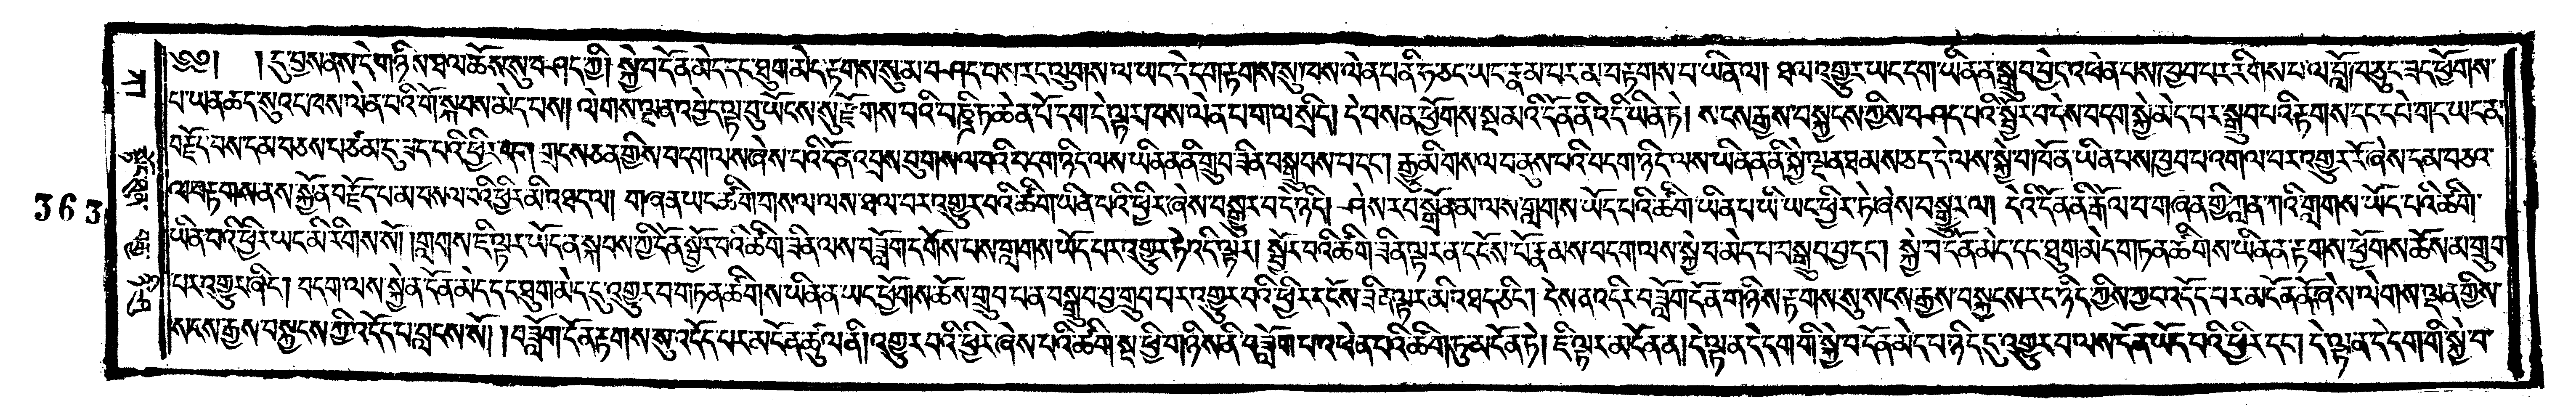༄༅། །དུ་བྱས་ནས་དེ་གཉིས་ཐལ་ཆོས་སུ་བཤད་ཀྱི། སྐྱེ་བ་དོན་མེད་དང་ཐུག་མེད་རྟགས་སུ་མ་བཤད་པས་རང་ལུགས་ལ་ཡང་དེ་དག་རྟགས་སུ་ཁས་ལེན་པ་ནི་ཧ་ཅང་ཡང་རྣམ་པར་མ་བརྟགས་པ་ཡིན་ལ། ཐལ་འགྱུར་ཡང་དག་ཡིན་ན་སྒྲུབ་བྱེད་འཕེན་པས་ཁྱབ་པར་རིགས་པ་ལ་བློ་ཁ་ཅུང་ཟད་ཕྱོགས་
པ་ཡན་ཆད་སུའང་ཁས་ལེན་པའི་གོ་སྐབས་མེད་པས། ལེགས་ལྡན་འབྱེད་ལྟ་བུ་ཡོངས་སུ་རྫོགས་པའི་པཎྜི་ཏ་ཆེན་པོ་དག་དེ་ལྟར་ཁས་ལེན་པ་གལ་སྲིད། དེ་བས་ན་ཕྱོགས་སྔ་མའི་དོན་ནི་འདི་ཡིན་ཏེ། སངས་རྒྱས་བསྐྱངས་ཀྱིས་བཤད་པའི་སྦྱོར་བ་དེས་བདག་སྐྱེ་མེད་པར་སྒྲུབ་པའི་རྟགས་དང་དཔེ་གང་ཡང་མ་
བརྗོད་པས་དམ་བཅས་པ་ཙམ་དུ་ཟད་པའི་ཕྱིར་དང་གྲངས་ཅན་གྱིས་བདག་ལས་ཞེས་པའི་དོན་འབྲས་བུ་གསལ་བའི་བདག་ཉིད་ལས་ཡིན་ན་ནི་གྲུབ་ཟིན་བསྒྲུབས་བ་དང་། རྒྱུ་མི་གསལ་བ་ནུས་པའི་བདག་ཉིད་ལས་ཡིན་ན་ནི་སྐྱེ་ལྡན་ཐམས་ཅད་དེ་ལས་སྐྱེ་བ་ཁོ་ན་ཡིན་པས་ཁྱབ་པ་འགལ་བར་འགྱུར་རོ་ཞེས་དམ་བཅའ་
ལ་བརྟགས་ནས་སྐྱོན་བརྗོད་པ་མ་བསལ་བའི་ཕྱིར་མི་འཐད་ལ། གཞན་ཡང་ཚིག་གསལ་ལས་ཐལ་བར་འགྱུར་བའི་ཚིག་ཡིན་པའི་ཕྱིར་ཞེས་བསྒྱུར་བ་དེ་ཉིད། ཤེས་རབ་སྒྲོན་མ་ལས་གླགས་ཡོད་པའི་ཚིག་ཡིན་པ་ཡི་ཡང་ཕྱིར་ཏེ་ཞེས་བསྒྱུར་ལ། དེའི་དོན་ནི་རྒོལ་བ་གཞན་གྱི་ཀླན་ཀའི་གླགས་ཡོད་པའི་ཚིག་
ཡིན་པའི་ཕྱིར་ཡང་མི་རིགས་སོ། །གླགས་ཇི་ལྟར་ཡོད་ན་སྐབས་ཀྱི་དོན་སྦྱོར་བའི་ཚིག་ཟིན་ལས་བཟློག་དགོས་པས་གླགས་ཡོད་པར་འགྱུར་ཏེ་འདི་ལྟར། སྦྱོར་བའི་ཚིག་ཟིན་ལྟར་ན་དངོས་པོ་རྣམས་བདག་ལས་སྐྱེ་བ་མེད་པ་བསྒྲུབ་བྱ་དང་། སྐྱེ་བ་དོན་མེད་དང་ཐུག་མེད་གཏན་ཚིགས་ཡིན་ན་རྟགས་ཕྱོགས་ཆོས་མ་གྲུབ་
པར་འགྱུར་ཞིང་། བདག་ལས་སྐྱེ་ན་དོན་མེད་དང་ཐུག་མེད་དུ་འགྱུར་བ་གཏན་ཚིགས་ཡིན་ན་ཡང་ཕྱོགས་ཆོས་གྲུབ་བ་ན་བསྒྲུབ་བྱ་གྲུབ་བར་འགྱུར་བའི་ཕྱིར་དངོས་ཟིན་ལྟར་མི་འཐད་ཅིང་། དེས་ན་འདིར་བཟློག་དོན་གཉིས་རྟགས་སུ་སངས་རྒྱས་བསྐྱངས་རང་ཉིད་ཀྱིས་ཀྱང་འདོད་པར་མངོན་ནོ་ཞེས་ལེགས་ལྡན་གྱིས་
སངས་རྒྱས་བསྐྱངས་ཀྱི་འདོད་པ་བླངས་སོ། །བཟློག་དོན་རྟགས་སུ་འདོད་པར་མངོན་ཚུལ་ནི། འགྱུར་བའི་ཕྱིར་ཞེས་པའི་ཚིག་སྔ་ཕྱི་གཉིས་ནི་བཟློག་པ་འཕེན་པའི་ཚིག་ཏུ་མངོན་ཏེ། ཇི་ལྟར་མངོན་ན། དེ་ལྟ་ན་དེ་དག་གི་སྐྱེ་བ་དོན་མེད་པ་ཉིད་དུ་འགྱུར་བ་ལས་དོན་ཡོད་པའི་ཕྱིར་དང་། དེ་ལྟ་ན་དེ་དག་གི་སྐྱེ་བ་